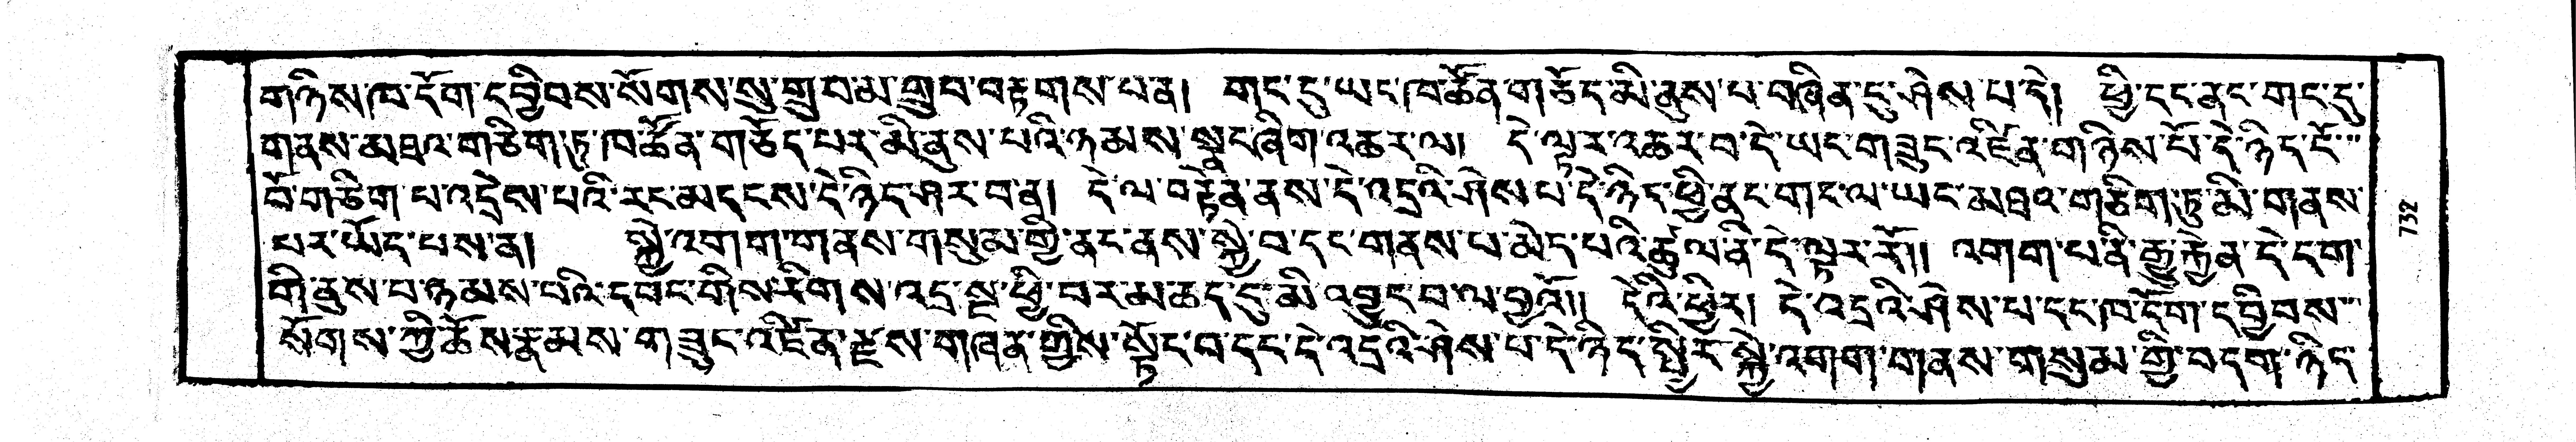གཉིས་ཁ་དོག་དབྱིབས་སོགས་སུ་གྲུབ་མ་གྲུབ་བརྟགས་པ་ན། གང་དུ་ཡང་ཁ་ཚོན་གཅོད་མི་ནུས་པ་བཞིན་དུ་ཤེས་པ་དེ། ཕྱི་དང་ནང་གང་དུ་
གནས་མཐའ་གཅིག་ཏུ་ཁ་ཚོན་གཅོད་པར་མི་ནུས་པའི་ཉམས་སྣང་ཞིག་འཆར་ལ། དེ་ལྟར་འཆར་བ་དེ་ཡང་གཟུང་འཛིན་གཉིས་པོ་དེ་ཉིད་ངོ་
བོ་གཅིག་པ་འདྲེས་པའི་རང་མདངས་དེ་ཉིད་ཤར་བ་ན། དེ་ལ་བརྟེན་ནས་དེ་འདྲའི་ཤེས་པ་དེ་ཉིད་ཕྱི་ནང་གང་ལ་ཡང་མཐའ་གཅིག་ཏུ་མི་གནས་
པར་ཡོད་པས་ན། སྐྱེ་འགག་གནས་གསུམ་གྱི་ནང་ནས་སྐྱེ་བ་དང་གནས་པ་མེད་པའི་ཚུལ་ནི་དེ་ལྟར་རོ།། འགག་པ་ནི་རྒྱུ་རྐྱེན་དེ་དག་
གི་ནུས་པ་ཉམས་པའི་དབང་གིས་རིགས་འདྲ་སྔ་ཕྱི་བར་མ་ཆད་དུ་མི་འབྱུང་བ་ལ་བྱའོ།། དེའི་ཕྱིར། དེ་འདྲའི་ཤེས་པ་དང་ཁ་དོག་དབྱིབས་
སོགས་ཀྱི་ཆོས་རྣམས་གཟུང་འཛིན་རྫས་གཞན་གྱིས་སྟོང་བ་དང་དེ་འདྲའི་ཤེས་པ་དེ་ཉིད་སྤྱིར་སྐྱེ་འགག་གནས་གསུམ་གྱི་བདག་ཉིད་